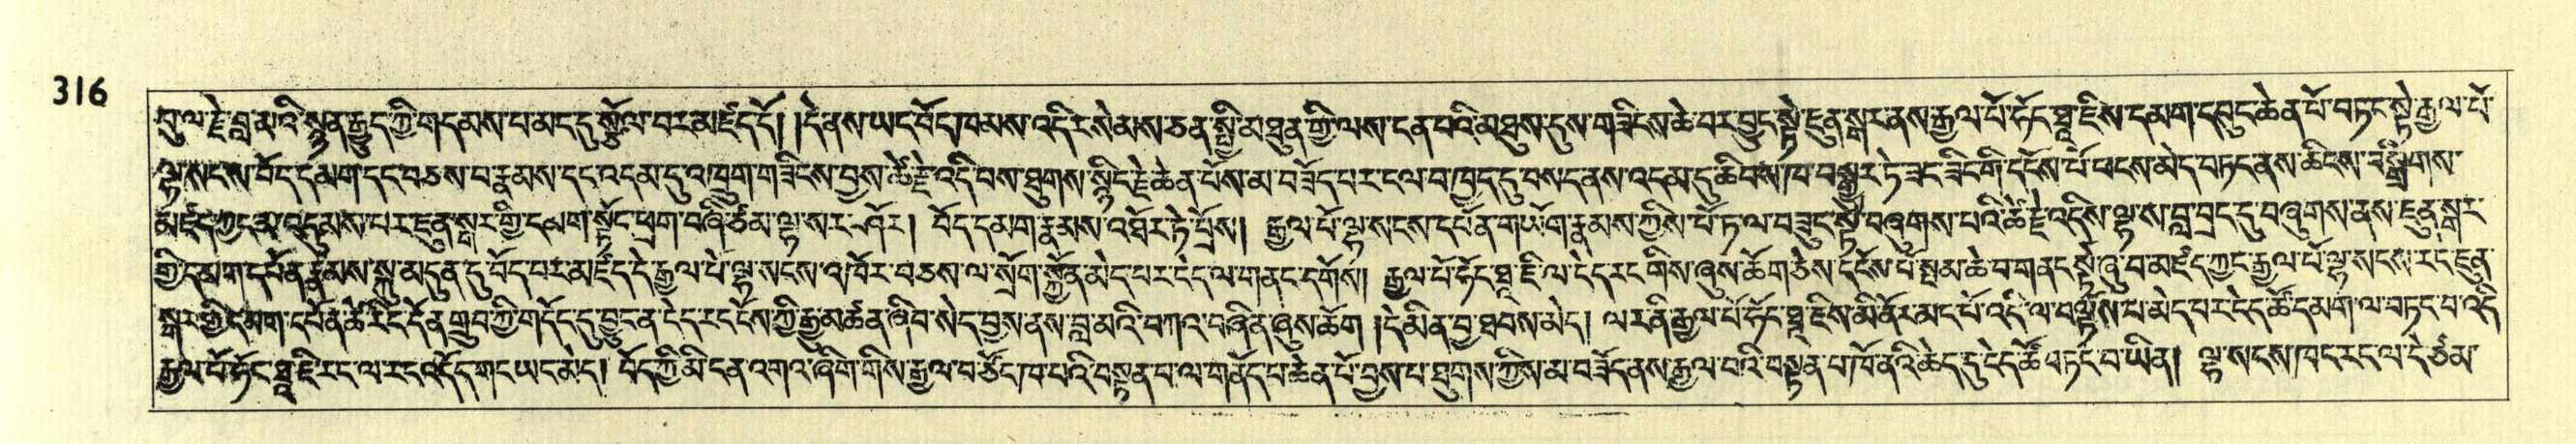བུ་ལ་རྗེ་བླ་མའི་སྙན་རྒྱུད་ཀྱི་གདམས་པ་མང་དུ་སྩོལ་བར་མཛད་དོ། །དེ་ནས་ཡང་བོད་ཁམས་འདིར་སེམས་ཅན་སྤྱི་མཐུན་གྱི་ལས་ངན་པའི་མཐུས་དུས་གཟིངས་ཆེ་བར་བྱུང་སྟེ་ཇུན་སྒར་ནས་རྒྱལ་པོ་ཧོང་ཐཱ་ཇིས་དམག་དབུང་ཆེན་པོ་བཏང་སྟེ་རྒྱལ་པོ་
ལྷ་སངས་བོད་དམག་དང་བཅས་པ་རྣམས་དང་འདམ་དུ་འཁྲུག་གཟིངས་བྱས་ཚེ་རྗེ་འདི་བས་ཐུགས་སྙིང་རྗེ་ཆེན་པོས་མ་བཟོད་པར་ངལ་བ་ཁྱད་དུ་བསད་ནས་འདམ་དུ་ཆིབས་ཁ་བསྒྱུར་ཏེ་ཟང་ཟིང་གི་དངོས་པོ་ཕངས་མེད་བཏང་ནས་ཆིངས་བསྒྲིགས་
མཛད་ཀྱང་མ་འདུམས་པར་ཇུན་སྒར་གྱི་དམག་སྟོང་ཕྲག་བཞི་ཙམ་ལྷ་སར་ཤོར། བོད་དམག་རྣམས་འཐོར་ཏེ་བྲོས། རྒྱལ་པོ་ལྷ་སངས་དཔོན་གཡོག་རྣམས་ཀྱིས་པོ་ཏ་ལ་བཟུང་སྟེ་བཞུགས་པའི་ཚེ་རྗེ་འདིས་ལྷ་ས་བླ་བྲང་དུ་བཞུགས་ནས་ཇུན་སྒར་
གྱི་དམག་དཔོན་རྣམས་སྐུ་མདུན་དུ་བོད་བར་མཛད་དེ་རྒྱལ་པོ་ལྷ་སངས་འཁོར་བཅས་ལ་སྲོག་སྐྱོན་མེད་པར་ངེད་ལ་གནང་དགོས། རྒྱལ་པོ་ཧོང་ཐཱ་ཇི་ལ་ངེད་རང་གིས་ཞུས་ཆོག་ཅེས་དངོས་པོ་སྦམ་ཆེ་བ་གནང་སྟེ་ཞུ་བ་མཛད་ཀྱང་རྒྱལ་པོ་ལྷ་སངས་རང་ཇུན་
སྒར་གྱི་དམག་དཔོན་ཚེ་རིང་དོན་གྲུབ་ཀྱི་གདོང་དུ་བྱུང་ན་དེད་རང་ངོས་ཀྱི་རྒྱུ་མཚན་ཞིབ་སེད་བྱས་ནས་བླ་མའི་བཀའ་བཞིན་ཞུས་ཆོག །དེ་མིན་བྱ་ཐབས་མེད། ལར་ནི་རྒྱལ་པོ་ཧོང་ཐཱ་ཇིས་མི་ནོར་མང་པོ་འདི་ལ་བལྟོས་པ་མེད་པར་ངེད་ཚོ་དམག་ལ་བཏང་པ་འདི་
རྒྱལ་པོ་ཧོང་ཐཱ་ཇི་རང་ལ་རང་འདོད་གང་ཡང་མེད། བོད་ཀྱི་མི་ངན་འགའ་ཞིག་གིས་རྒྱལ་བ་ཙོང་ཁ་པའི་བསྟན་པ་ལ་གནོད་པ་ཆེན་པོ་བྱས་པ་ཐུགས་ཀྱིས་མ་བཟོད་ནས་རྒྱལ་བའི་བསྟན་པ་ཁོ་ནའི་ཆེད་དུ་ངེད་ཚོ་བཏང་བ་ཡིན། ལྷ་སངས་ཁང་རང་ལ་དེ་ཙམ་